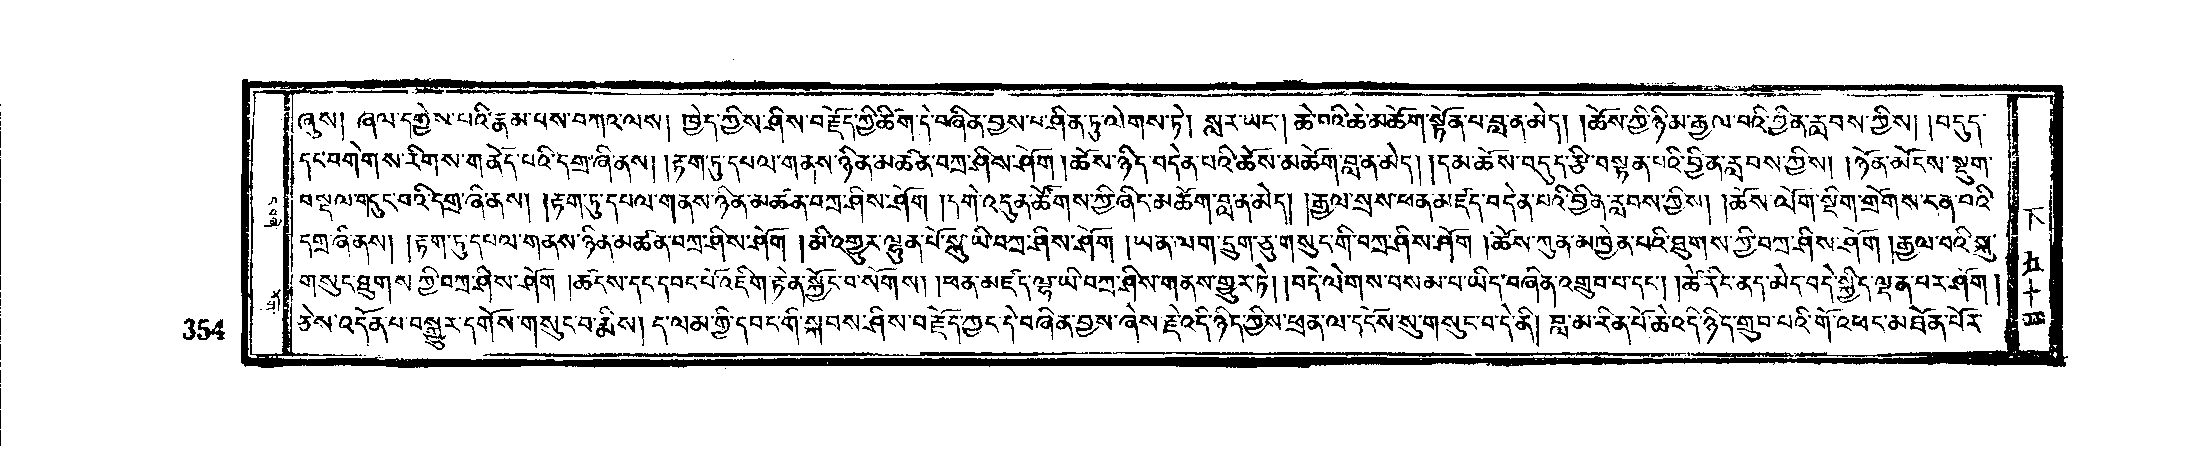ཞུས། ཞལ་དགྱེས་པའི་རྣམ་པས་བཀའ་ལས། ཁྱེད་ཀྱིས་ཤིས་བརྗོད་ཀྱི་ཚིག་དེ་བཞིན་བྱས་པ་ཤིན་ཏུ་ལེགས་ཏེ། སླར་ཡང་། ཆེ་བའི་ཆེ་མཆོག་སྟོན་པ་བླ་ན་མེད། །ཆོས་ཀྱི་ཉི་མ་རྒྱལ་བའི་བྱིན་རླབས་ཀྱིས། །བདུད་
དང་བགེགས་རིགས་གནོད་པའི་དགྲ་ཞི་ནས། །རྟག་ཏུ་དཔལ་གནས་ཉིན་མཚན་བཀྲ་ཤིས་ཤོག །ཆོས་ཉིད་བདེན་པའི་ཆོས་མཆོག་བླ་ན་མེད། །དམ་ཆོས་བདུད་རྩི་བསྟན་པའི་བྱིན་རླབས་ཀྱིས། །ཉོན་མོངས་སྡུག་
བསྔལ་གདུང་བའི་དགྲ་ཞི་ནས། །རྟག་ཏུ་དཔལ་གནས་ཉིན་མཚན་བཀྲ་ཤིས་ཤོག །དགེ་འདུན་ཚོགས་ཀྱི་ཞིང་མཆོག་བླ་ན་མེད། །རྒྱལ་སྲས་ཕན་མཛད་བདེན་པའི་བྱིན་རླབས་ཀྱིས། །ཆོས་ལོག་སྡིག་གྲོགས་ངན་པའི་
དགྲ་ཞི་ནས། །རྟག་ཏུ་དཔལ་གནས་ཉིན་མཚན་བཀྲ་ཤིས་ཤོག །མི་འགྱུར་ལྷུན་པོ་སྐུ་ཡི་བཀྲ་ཤིས་ཤོག །ཡན་ལག་དྲུག་ཅུ་གསུང་གི་བཀྲ་ཤིས་ཤོག །ཚེས་ཀུན་མཁྱེན་པའི་ཐུགས་ཀྱི་བཀྲ་ཤིས་ཤོག །རྒྱལ་བའི་སྐུ་
གསུང་ཐུགས་ཀྱི་བཀྲ་ཤིས་ཤོག །ཚངས་དང་དབང་པོ་འཇིག་རྟེན་སྐྱོང་བ་སོགས། །ཕན་མཛད་ལྷ་ཡི་བཀྲ་ཤིས་གནས་གྱུར་ཏེ། །བདེ་ལེགས་བསམ་པ་ཡིད་བཞིན་འགྲུབ་པ་དང་། །ཚེ་རིང་ནད་མེད་བདེ་སྐྱིད་ལྡན་པར་ཤོག །
ཅེས་འདོན་པ་བསྒྱུར་དགོས་གསུང་བ་རྨིས། ད་ལམ་གྱི་དབང་གི་སྐབས་ཤིས་བརྗོད་ཀྱང་དེ་བཞིན་བྱས་ཞེས་རྗེ་འདི་ཉིད་ཀྱིས་ཕྲན་ལ་དངོས་སུ་གསུང་བ་དེ་ནི། བླ་མ་རིན་པོ་ཆེ་འདི་ཉིད་གྲུབ་པའི་གོ་འཕང་མཐོན་པོར་